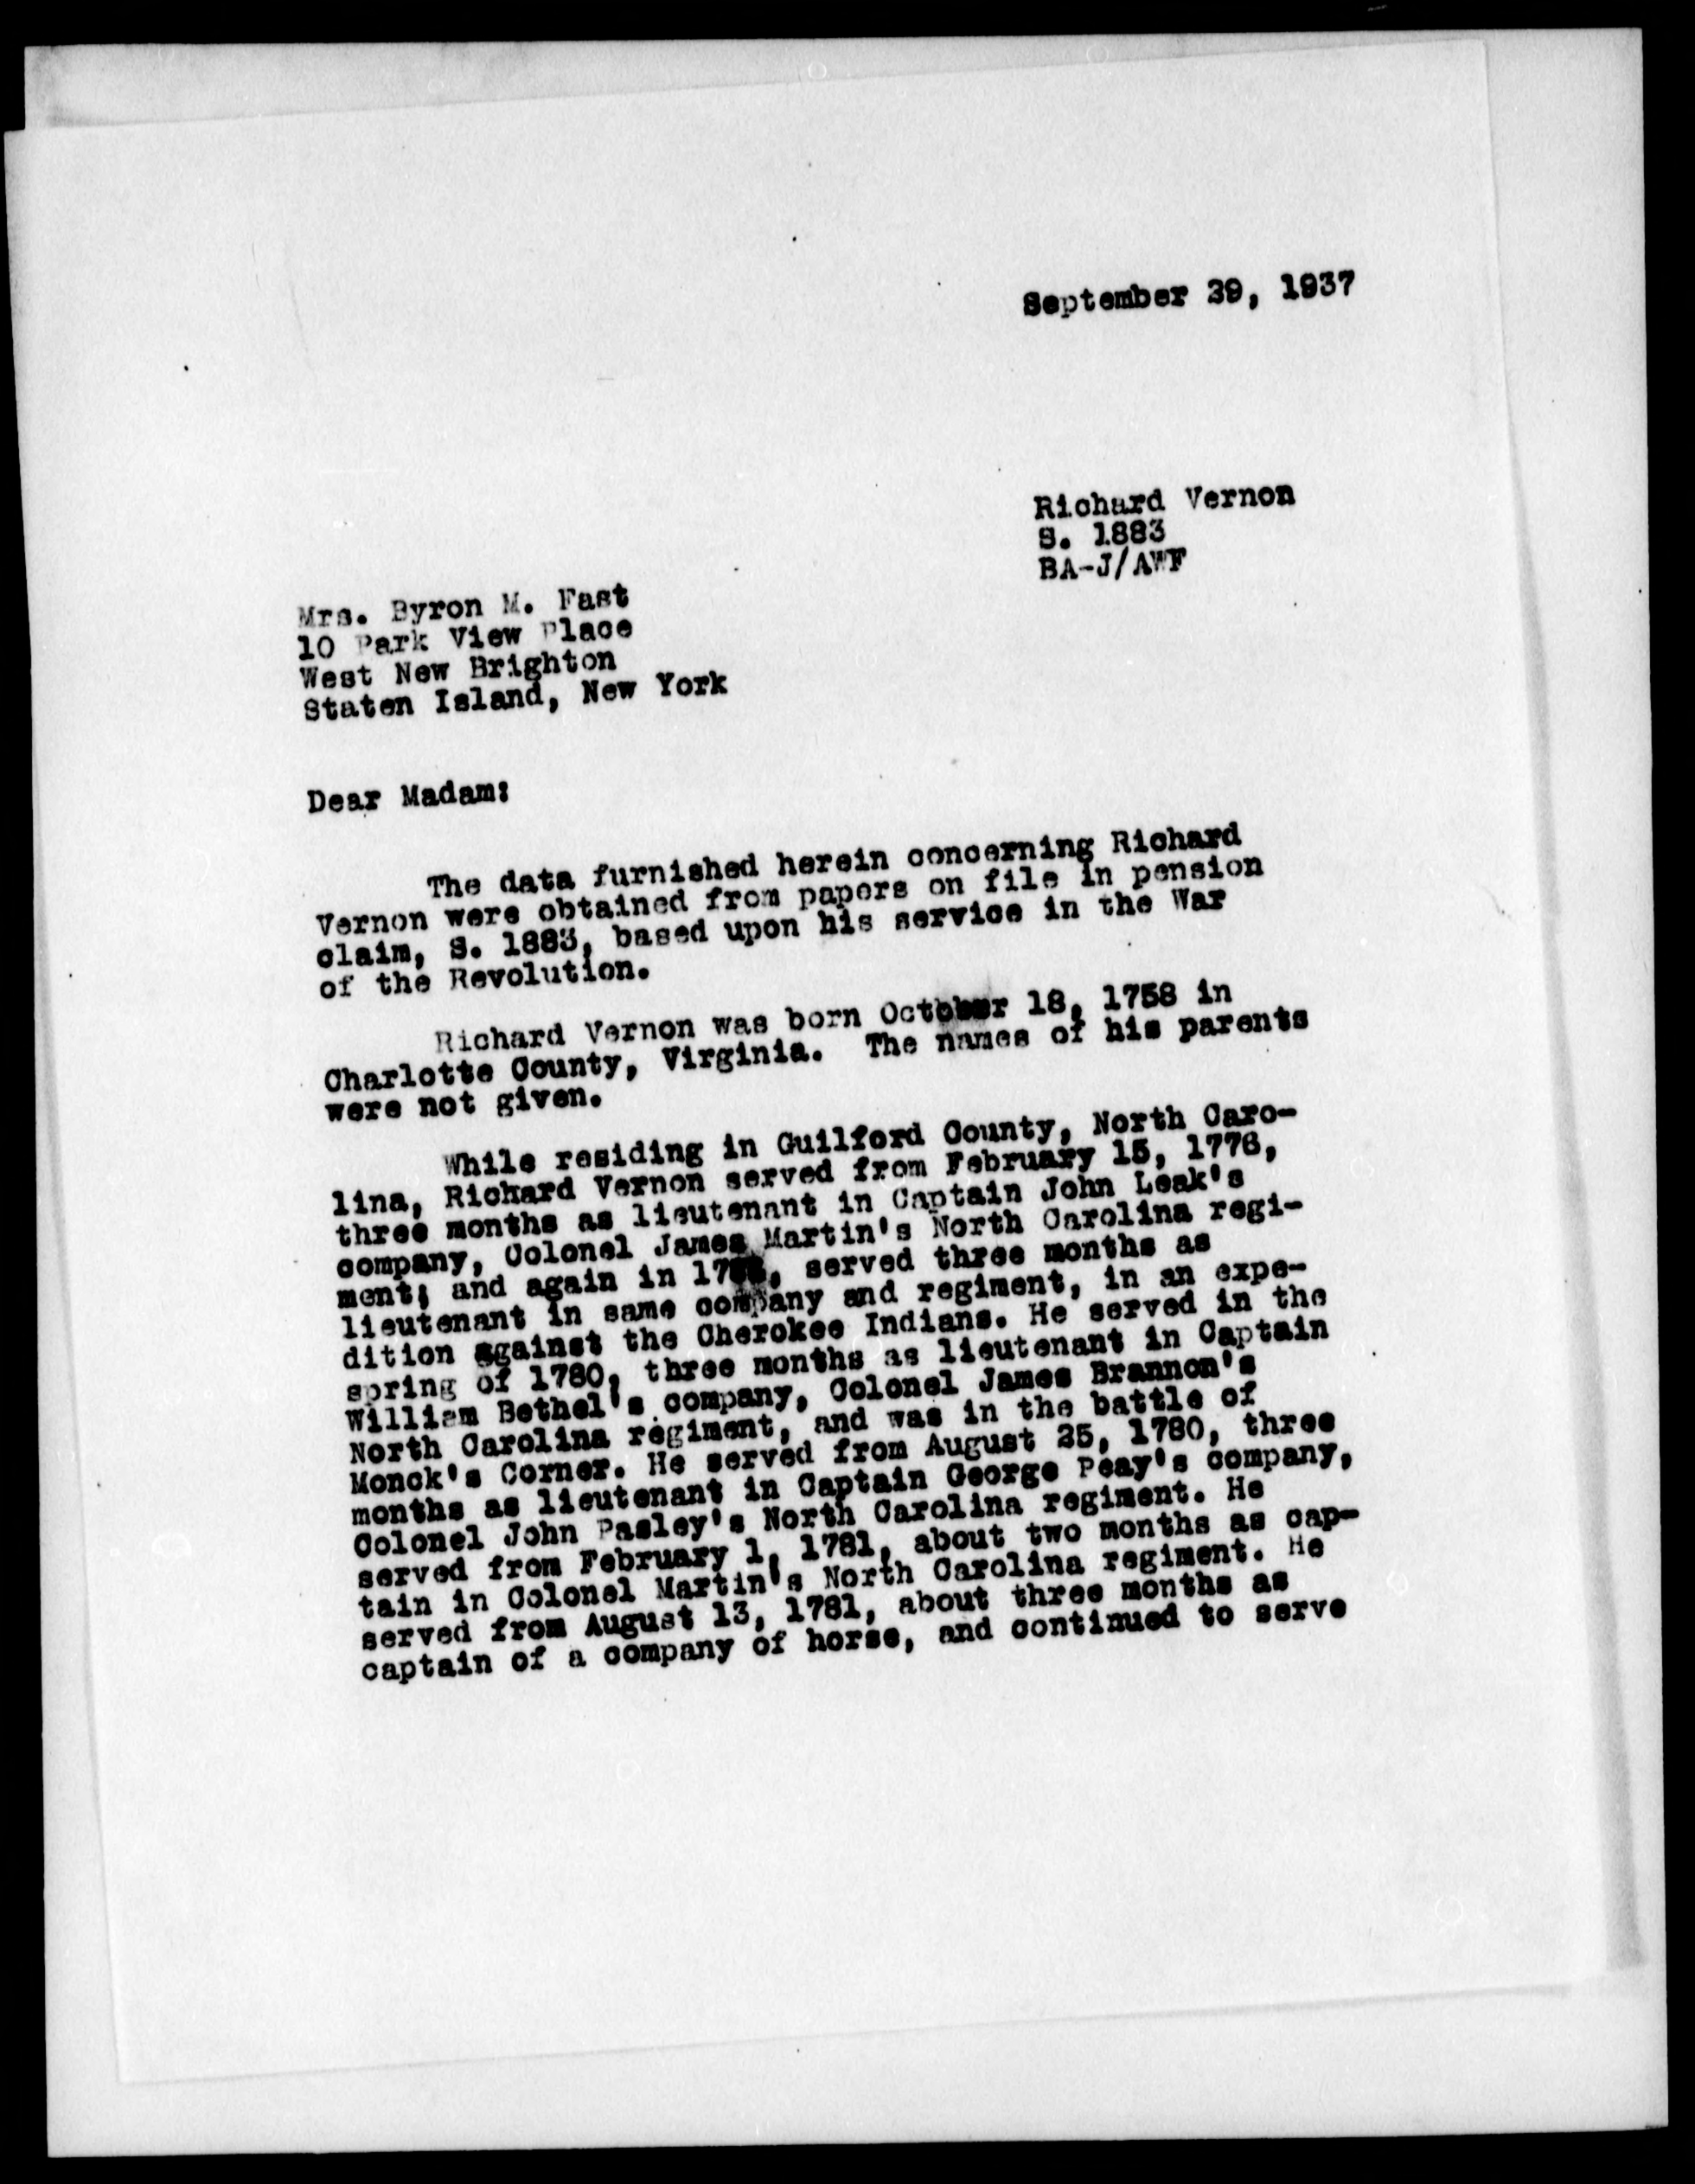September 29, 1937
Richard Vernon
S. 1883
BA-J / AFF
Mrs. Byron M. Fast
10 Park View Place
West New Brighton
Staten Island, New York
Dear Madam:
The data furnished herein concerning Richard Vernon were obtained from papers on file in pension claim S. 1883, based upon his service in the War of the Revolution
Richard Vernon was born October 18, 1758 in Charlotte County, Virginia. The names of his parents were not given.
While residing in Guilford County, North Carolina, Richard Vernon served from February 15, 1776, three months as lieutenant in Captain Leak's company, Colonel James Martin's North Carolina regiment; and again in 1776, served three months as lieutenant in same company and regiment, in an expedition against the Cherokee Indians. He served in the sprig of 1780; three months as lieutenant in Captain William Bethel's company, Colonel James Brannon's North carolina regiment, and was in the battle of Monck's Corner. He served from August 25, 1780, three months as lieutenant in Captain George Peay's company, Colonel John Pasley's North Carolina regiment.  He served from February 1, 1781, about two months as captain in Colonel Martin's North Carolina regiment.  He served from August 13, 1781, about three months as captain of a company of horse, and continued to serve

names: Byron M Fast, Richard Vernon, Richard Vernon, Richard Vernon, Richard Vernon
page: 87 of 105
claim: survivor's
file: S. 1883, Richard Vernon, N.C.